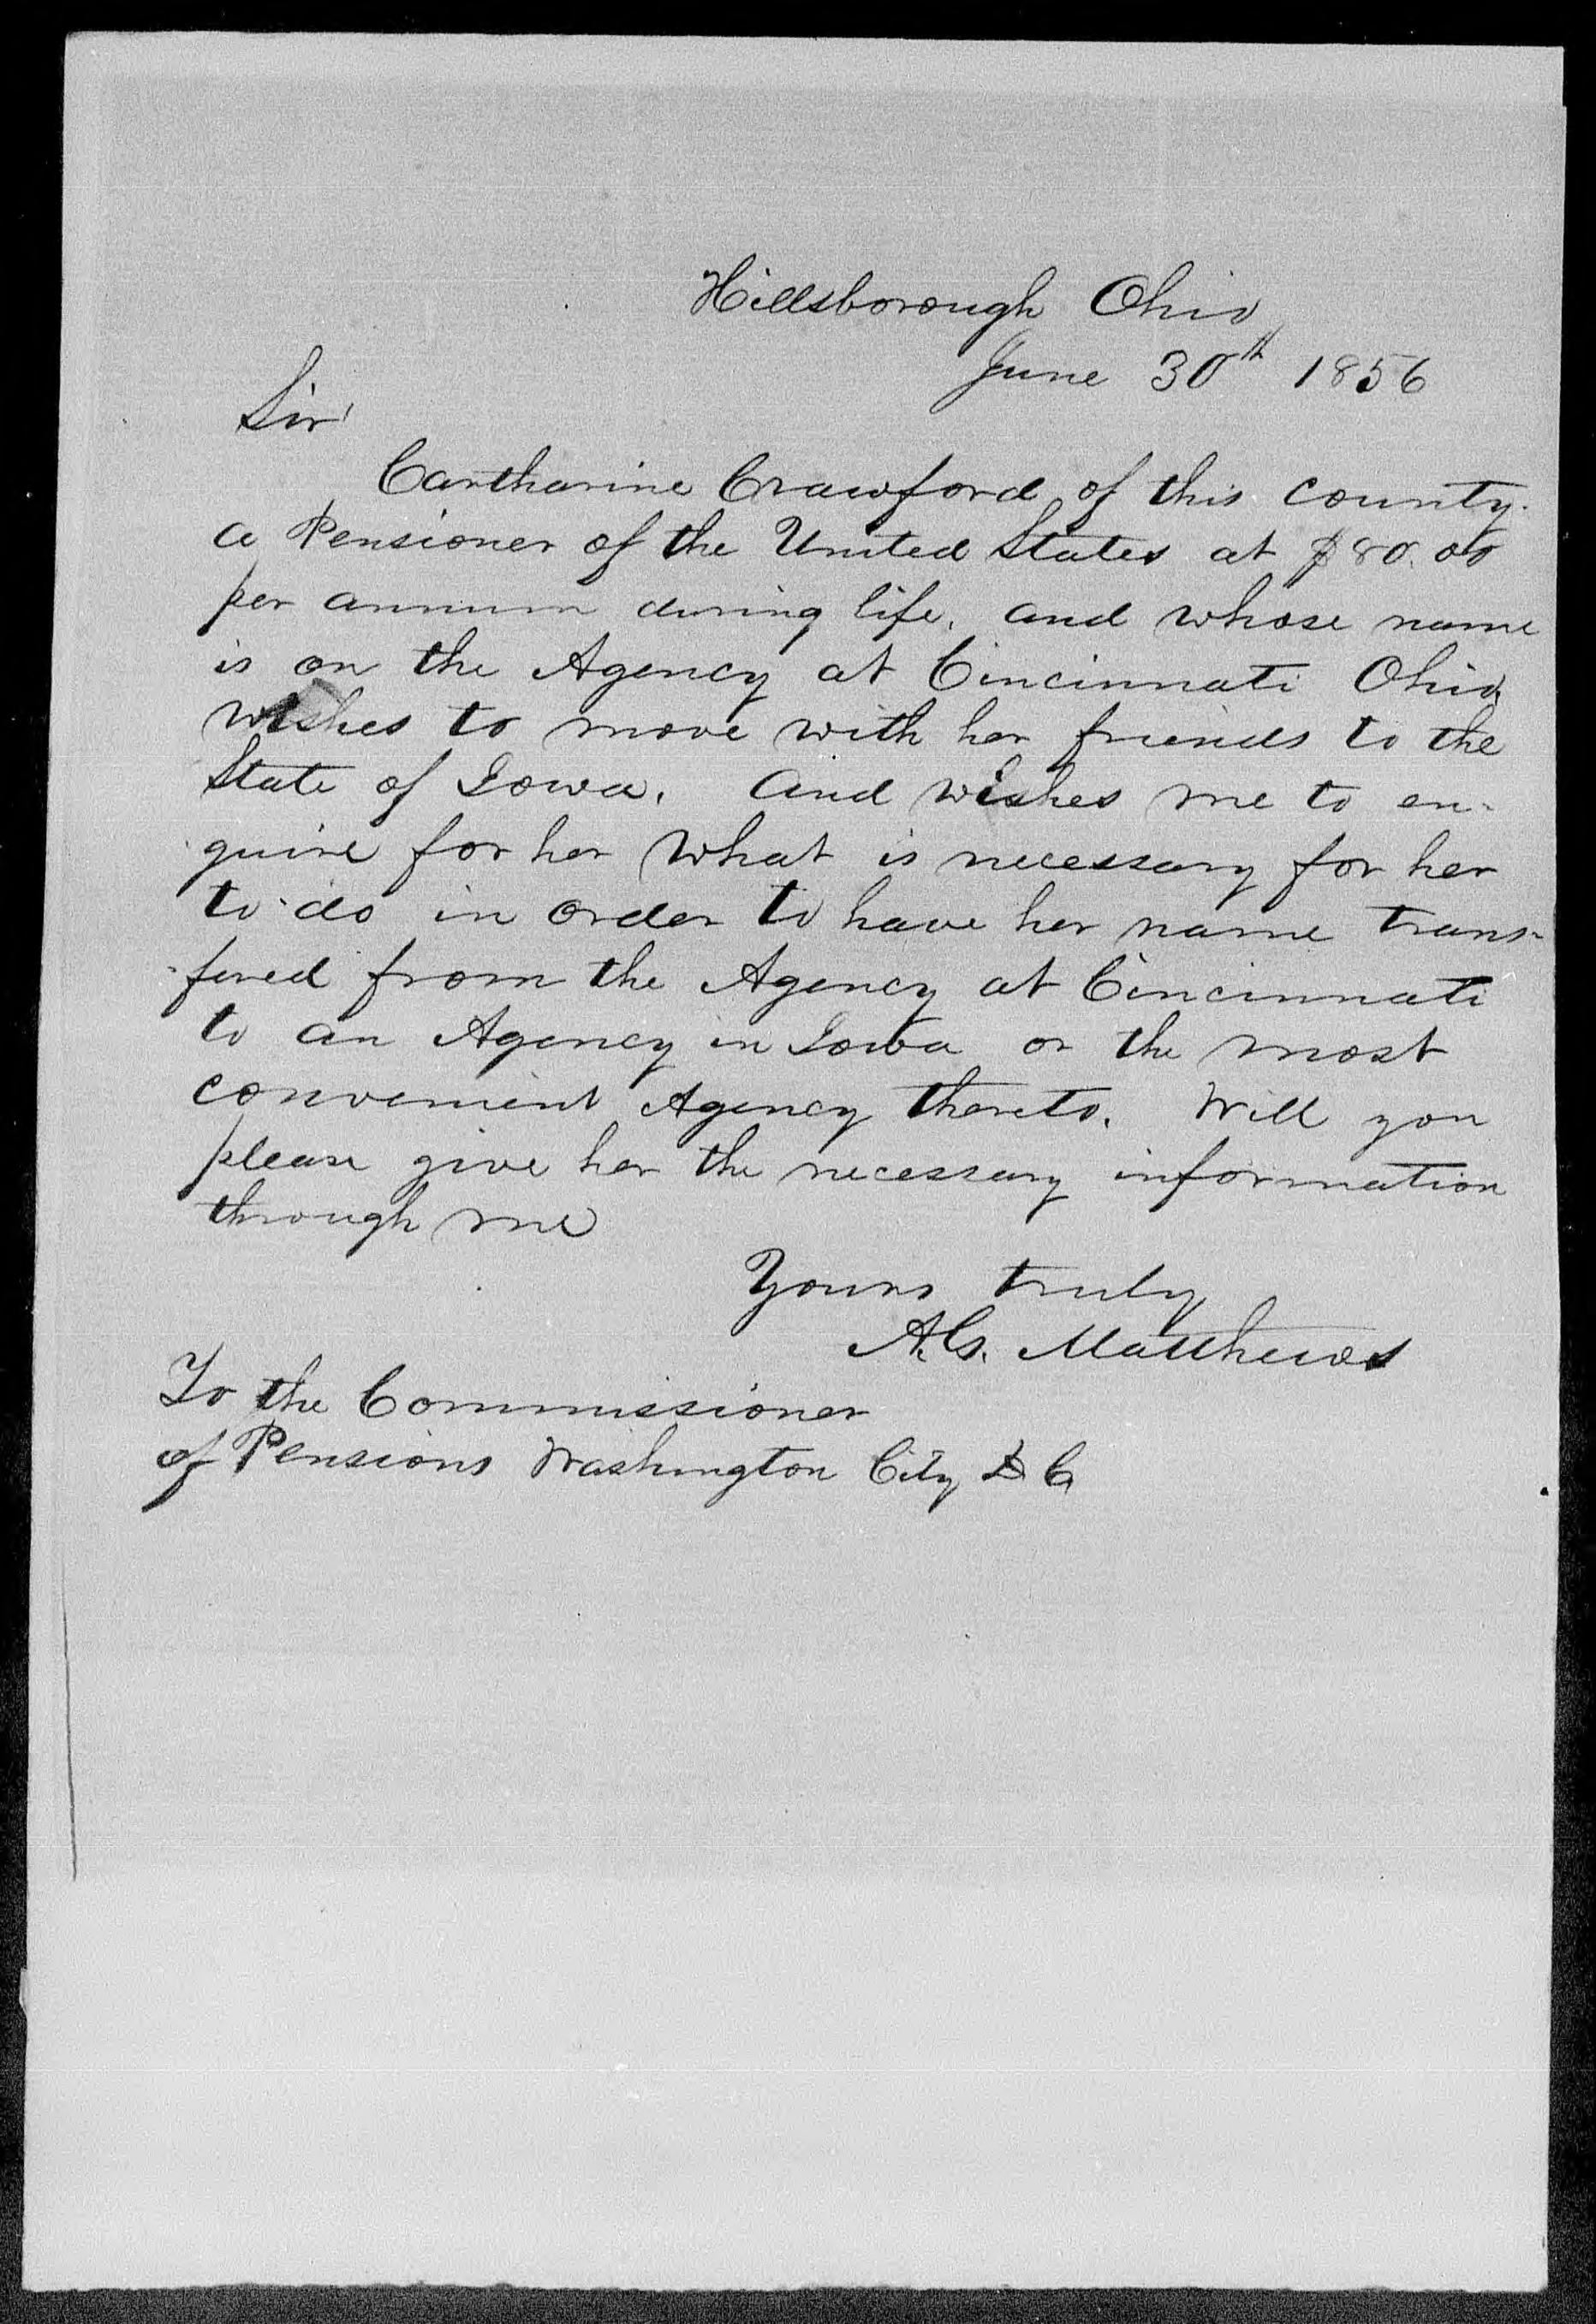Hillsborough Ohio
June 30th 1856

Sir,
Catharine Crawford of this County a Pensioner of the United States at $80.00 per annum during life, and whose name is on the Agency at Cincinnati Ohio wishes to move with her friends to the
State of Iowa, and wishes me to enquire for her what is necessary for her to do in order to have her name transferred from the Agency at Cincinnati to an Agency in Iowa or the most convenient Agency thereto. Will you please give her the necessary information through me
Yours truly
A. G. Matthews

To the Commissioner of Pensions Washington City DC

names: A G Matthews, Cartharine Crawford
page: 49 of 80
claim: widow's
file: W 2070, John Crawford, Penn.